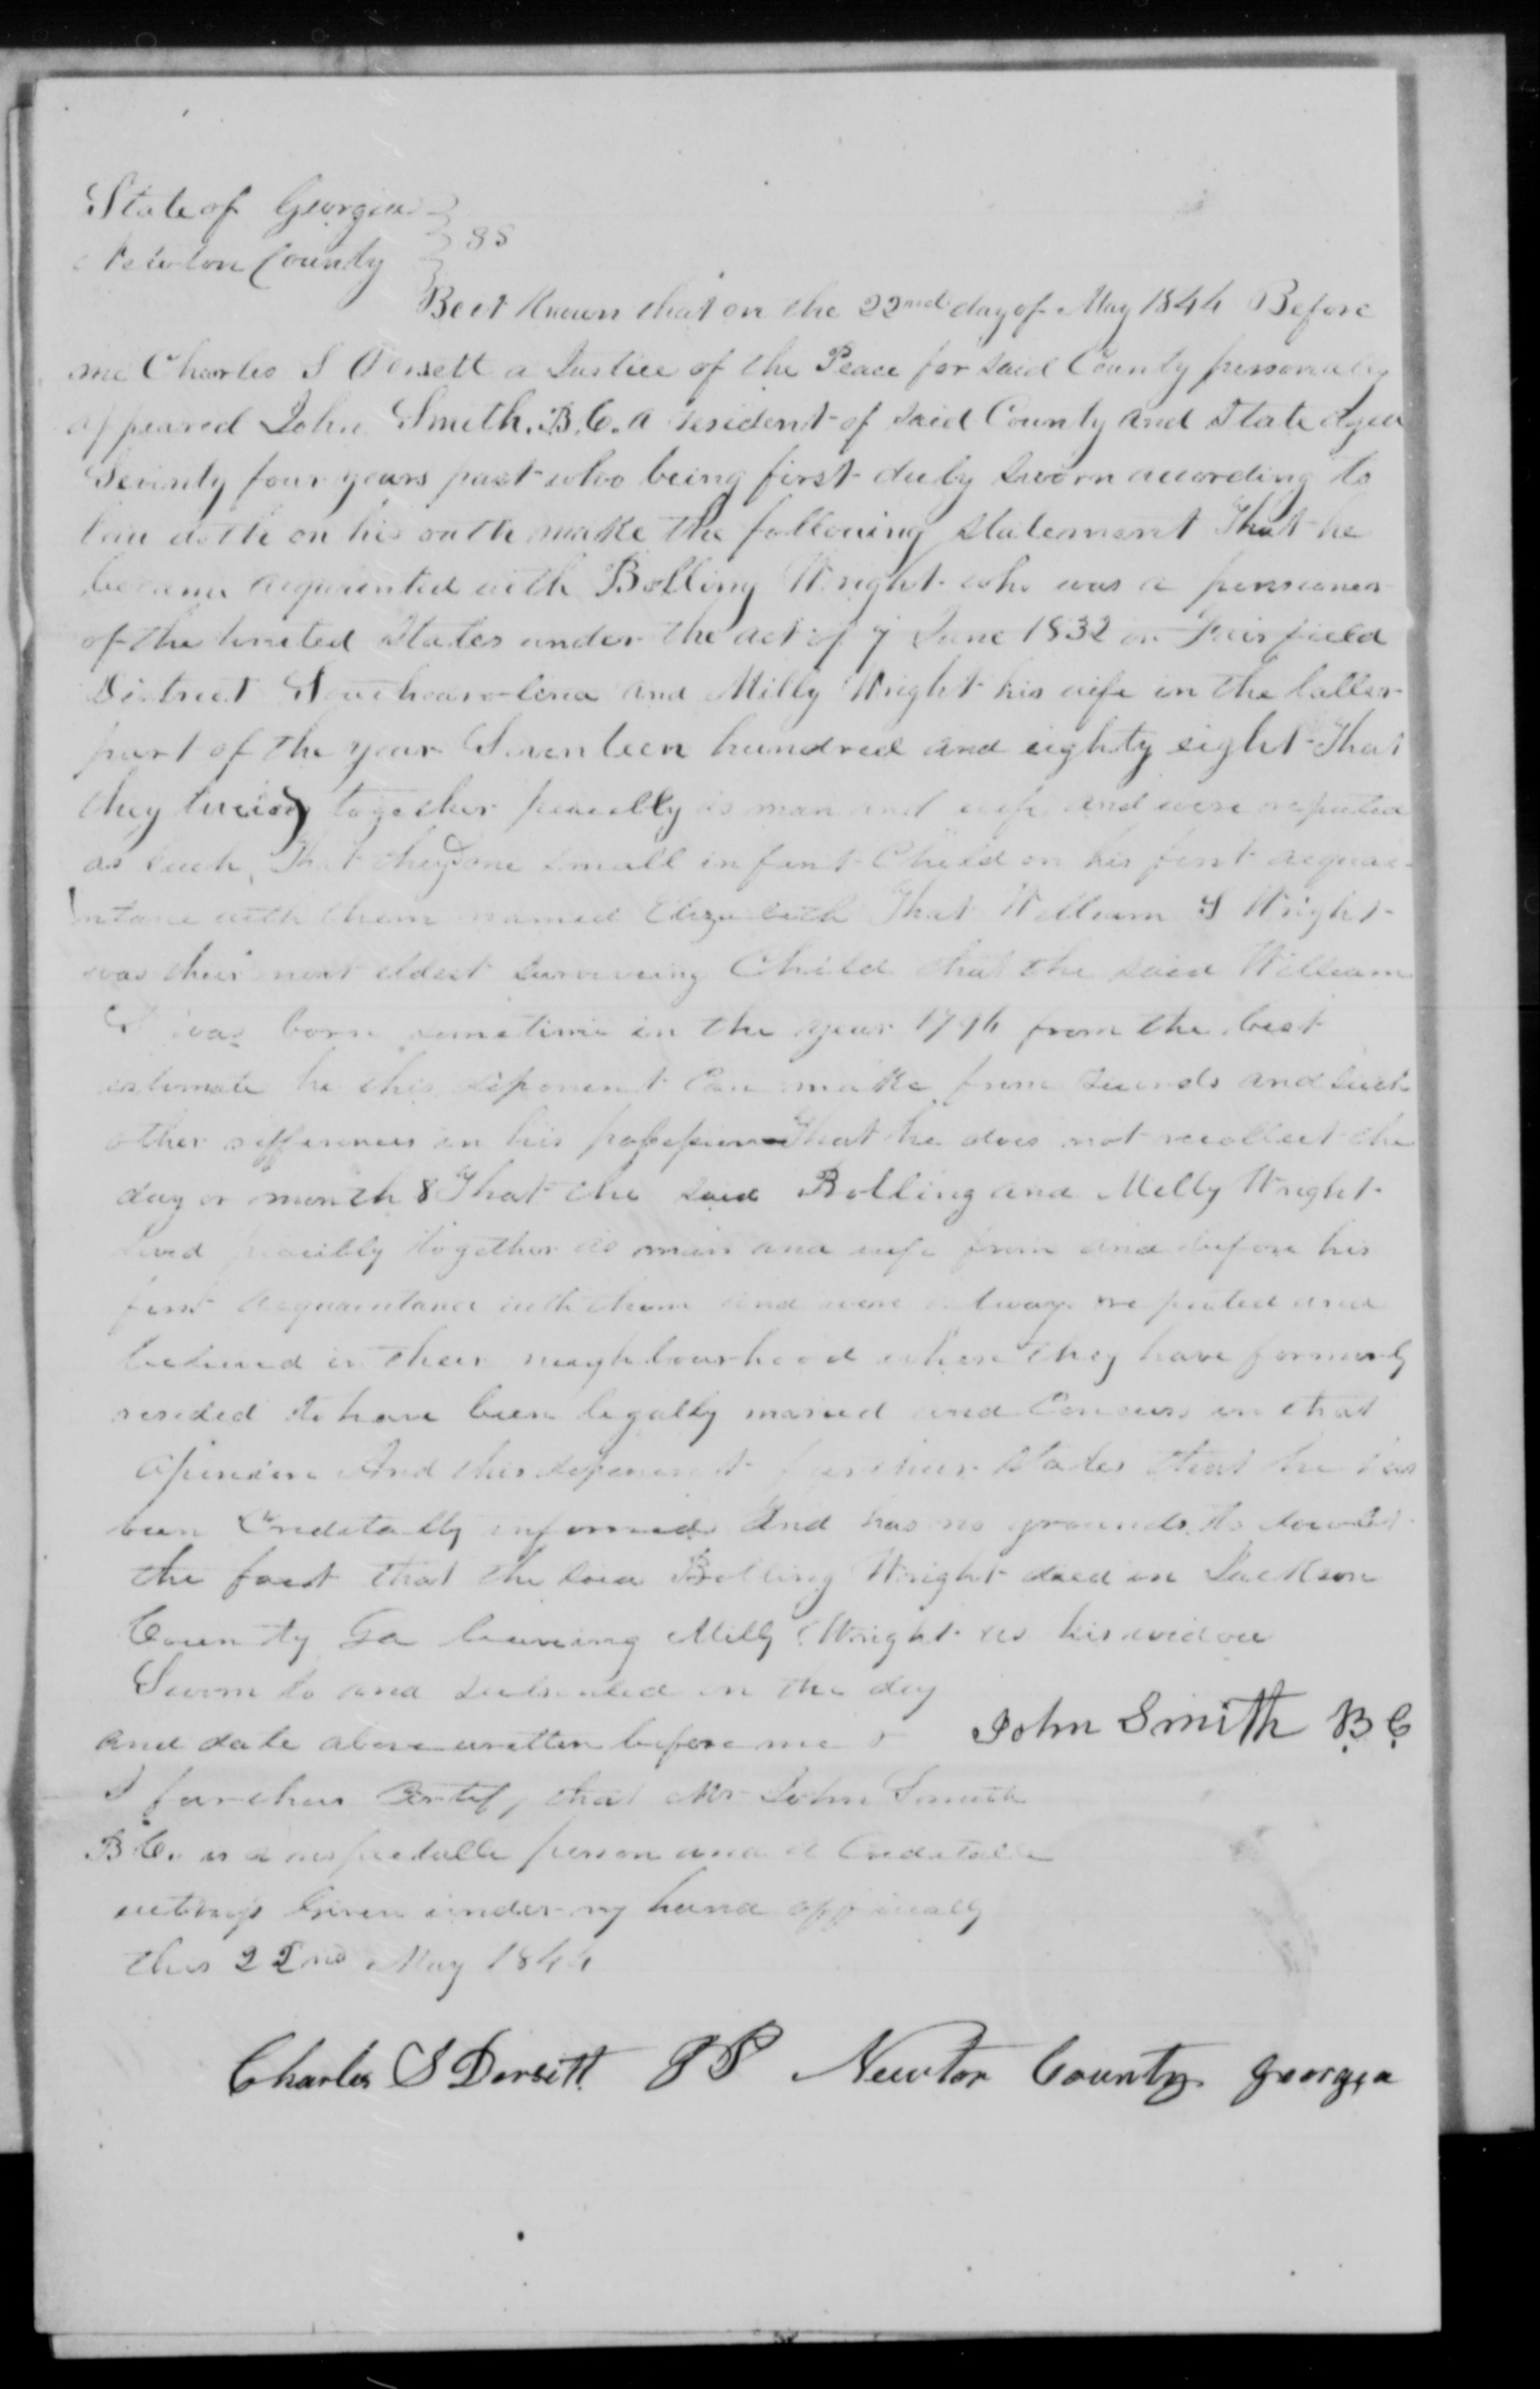State of Georgia Newton County} SS
Be it Known that on the 22nd day of May 1844 Before me Charles S Dorsett Justice of the Peace for said County personally appeared John Smith B.C. a resident of said County and State aged Seventy four years post who being first duly sworn according to law doth on his oath make the following statement That he became acquainted with Bolling Wright wo was a pensioner of the United States under the act of 7 June 1832 on Fairfield District Southcarolina and Milly Wright his wife in the latter part of the year Seventeen hundred and eighty eight That they living together peaceally as man and wife and were reputed as such that they on small infant Child on his first acquaintance with them named Elizabeth That William S Wright was their next eldest surviving Child that the said William S was born sometime in the year 1796 from the best estimate he  this deponent can make from records and such other ? in his possession That he does not recollect the day or month 8 That the said Bolling and Milly Wright lived peacibly together as man and wife from and before his first acquaintance with them and were always reported and believed in their neighbourhood where they have formaly resided to have been legally maried and concur in that opinion And this deponant further states that he has been creditably informed and has no grounds to doubt the fact that they said Bolling Wright died in Jackson County Ga leaving Milly Wright as his widow Sworn to and subscribed on the day and date above written before me & John Smith B.C. I farther certify that Mr John Smith B.C. is a respectable person and a creditable witness Given under my hand officially this 22nd May 1844 Charles S Dorsett JP Newton County georgia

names: Milly Wright, William S Wright, Bolling Wright, John Smith, Charles S Dorsett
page: 29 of 81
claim: widow's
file: W. 5183, Bolling Wright, Va.